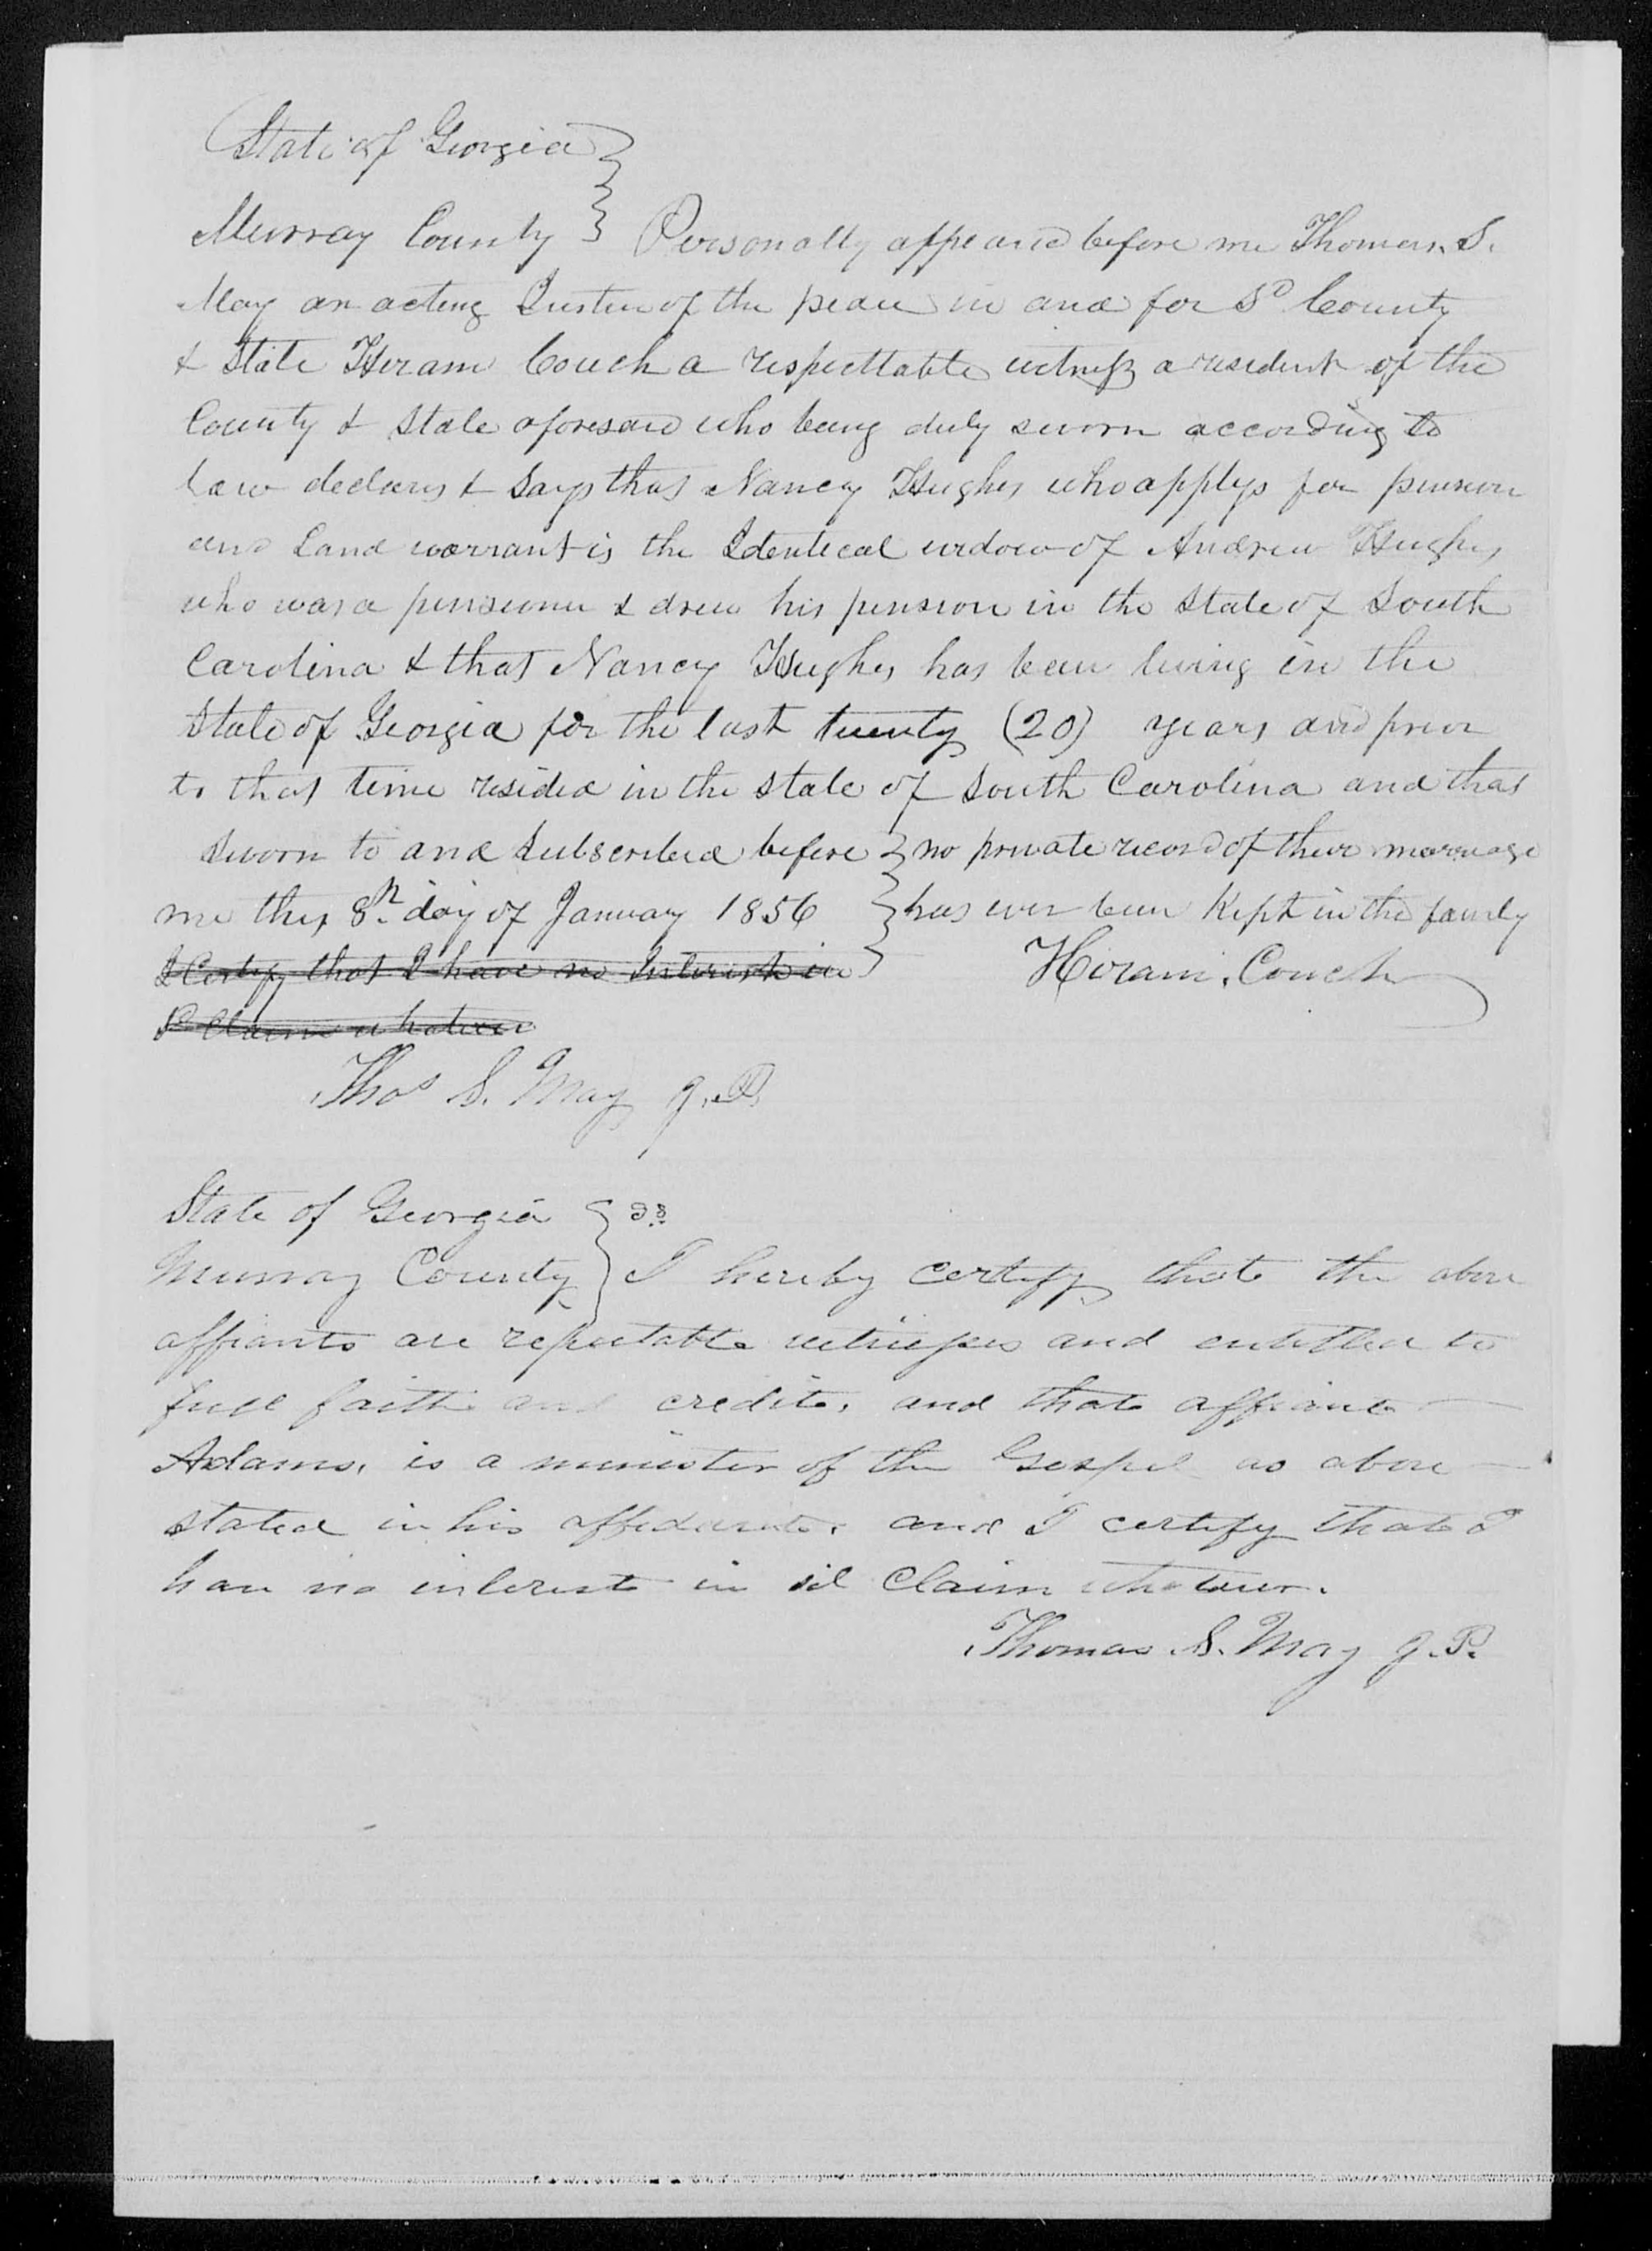State of Georgia
Murray County 
Personally appeared before me Thomas S.
May an acting Justice of the peace in and for sd County & State Hiram Couch a respectable witness a resident of the County & State aforesaid who being duly sworn according to
law declares & says that Nancy Hughes who applys for pension and Land warrant is the Identical widow of Andrew Hughes
who was a pensioner & drew his pension in the State of South Carolina
& that Nancy Hughes has been living in the
State of Georgia for the last twenty (20) years and prior to that time resided in the State of South Carolina and that no private record of their marriage has been kept in the family
Hiram Couch

Sworn to and subscribed before 
me this 8th day of January 1856
Thos S. May J.P.
State of Georgia 
Murray County  
I hereby certify that the above
affiants are reputable witnesses and entitled to
full faith and credits, and that affiant-
Adams, is a minister of the Gospel as above
stated in his affidavit, and I certify that I
have no interest in a claim whatever
Thomas S. May J. P.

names: Thomas S May, Nancy Hughes, Hiram Couch, Adams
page: 44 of 75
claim: widow's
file: W. 25805, Andrew Hughes, N.C.